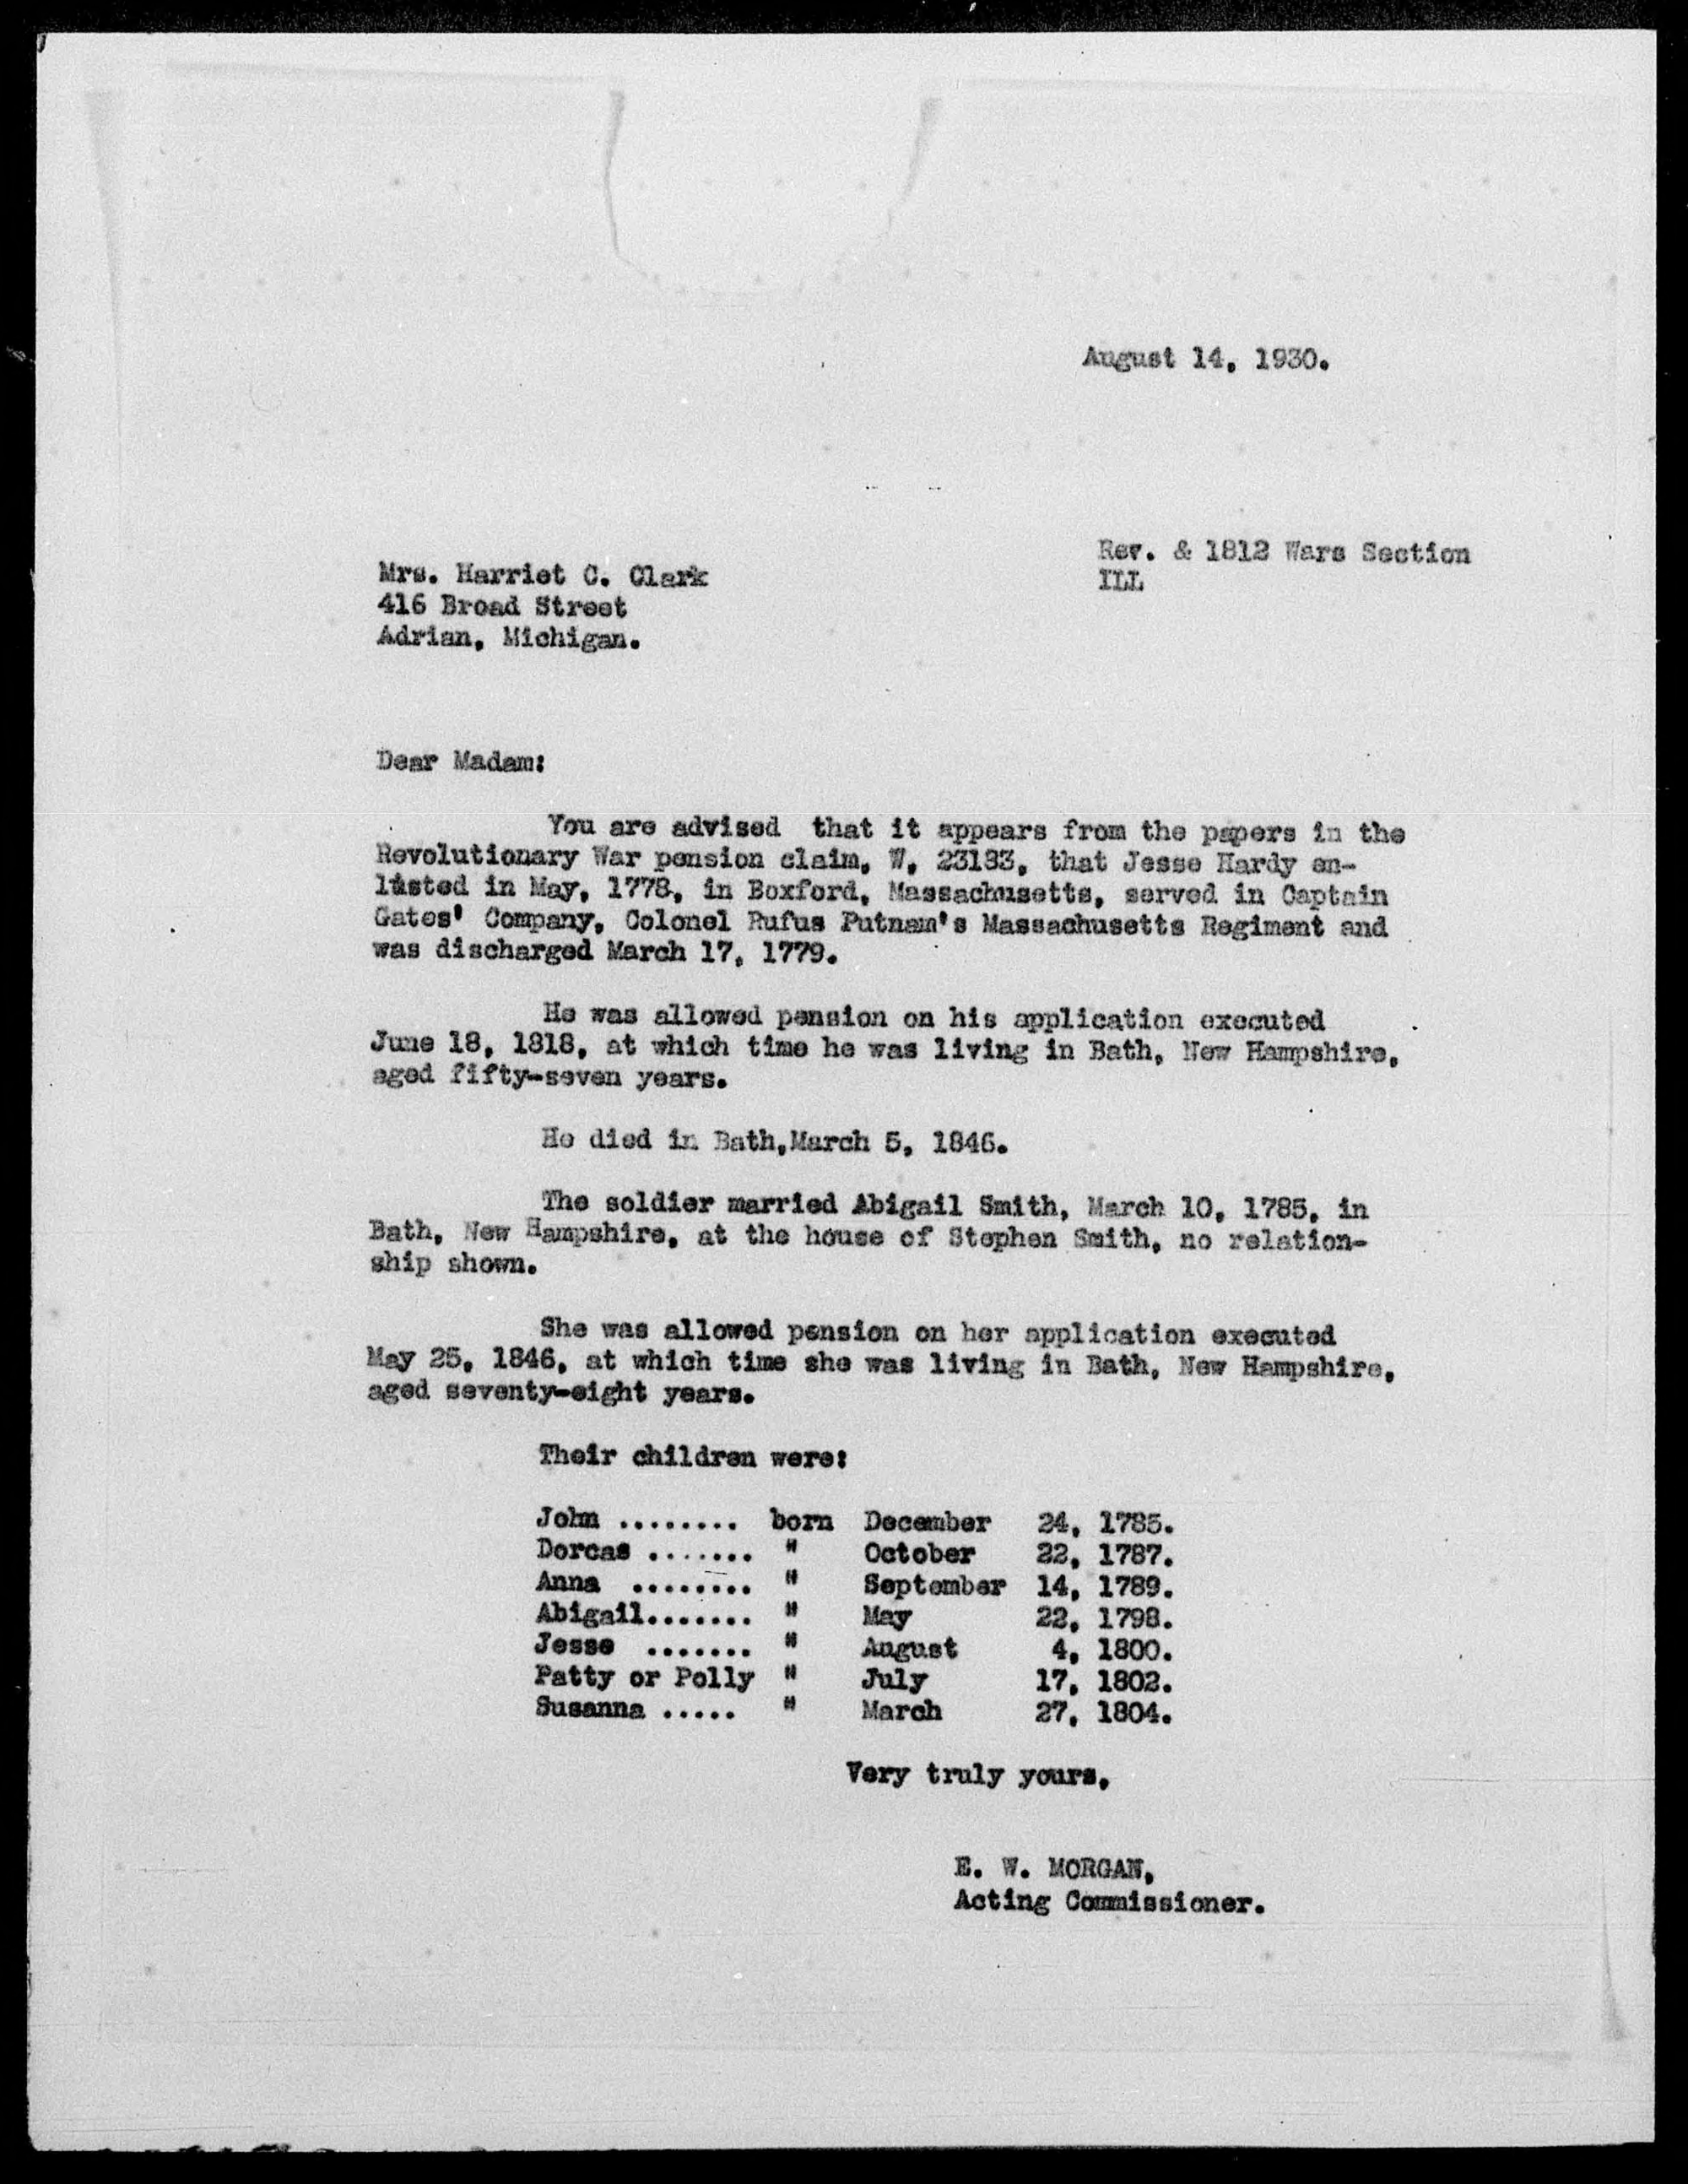August 14, 1930. Rev. & 1812 Wars Section ILL 
Mrs. Harriet C. Clark 416 Broad Street Adrian, Michigan. 
Dear Madam: You are advised that it appears from the papers in the Revolutionary War pension claim, W. 23133, that Jesse Hardy anlisted in May, 1778, in Boxford, Massachusetts, served in Captain Gates' Company, Colonel Rufus Putnam's Massachusetts Regiment and was discharged March 17, 1779. He was allowed pension on his application executed June 18, 1818, at which time he was living in Bath, New Hampshire, aged fifty-seven years.
He died in Bath, March 5, 1846. 
The soldier married Abigail Smith, March 10, 1785, in Bath, New Hampshire, at the house of Stephen Smith, no relationship shown. 
She was allowed pension on her application executed May 25, 1846, at which time she was living in Bath, New Hampshire, aged seventy-eight years. 
Their children were: 
John born December 24, 1785
Dorcas " October 22, 1787
Anna " September 14, 1789
Abigail " May 22, 1798
Jesse " August 4, 1800
Patty or Polly " July 17, 1802
Susanna " March 27, 1804
Very truly yours,
E. W. MORGAN, Acting Commissioner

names: Anna, Jesse, Patty, Dorcas, Polly, Abigail Smith, E W Morgan, Stephen Smith, John, Jesse Hardy, Abigail, Harriet C Clark, Susanna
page: 15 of 67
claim: widow's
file: W. 23183, Jesse Hardy, Mass.